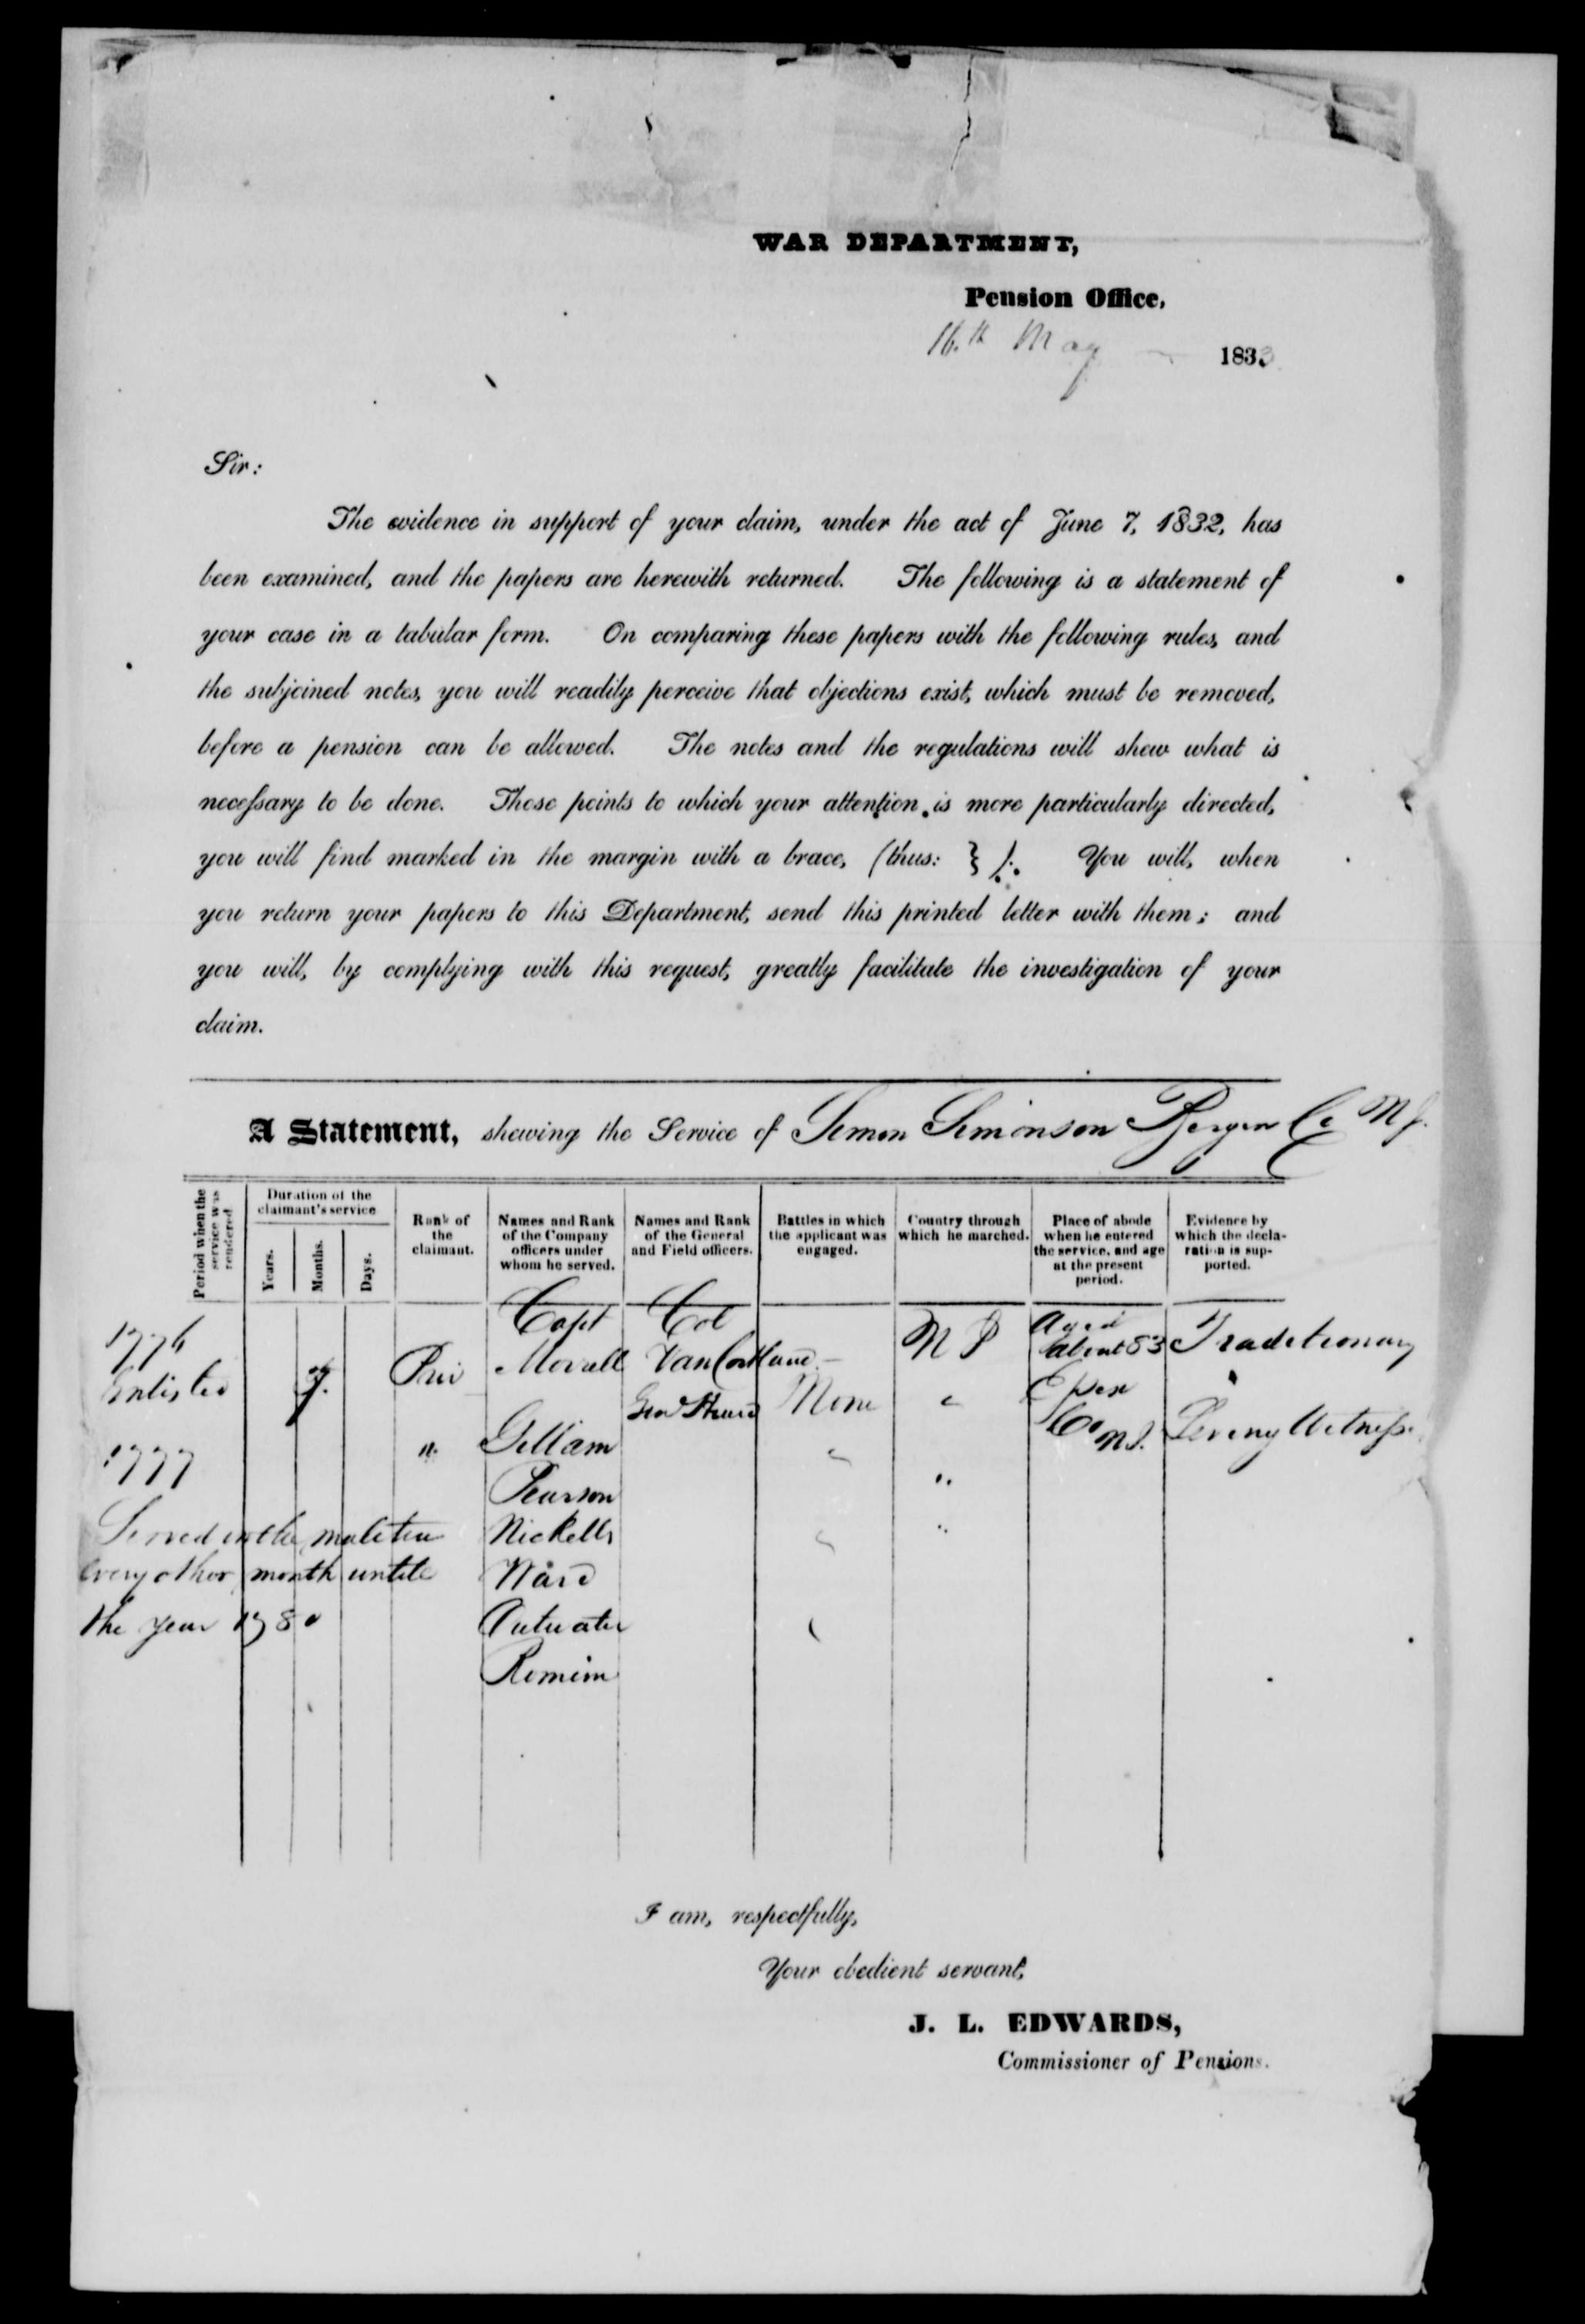WAR DEPARTMENT, Pension Office, 16th May 1833
Sir:  The evidence in support of your claim, under the act of June 7, 1832, has been examined, and the papers are herewith returned.  The following is a statement of your case in a tabular form.  On comparing these papers with the following rules and the subjoined notes, you will readily perceive that objections exist, which must be removed, before a pension can be allowed.  The notes and the regulations will shew what is necessary to be done.  These points to which your attention is more particularly directed, you will find marked in the margin with a brace, (thus: } ).  You will, when you return your papers to this Department, send this printed letter with them; and you will, by complying with this request, greatly facilitate the investigation of your claim.
[printed form with handwritten entries]
A Statement, shewing the Service of Simon Simonson Bergen Co NJ
[column headings] Period when the services were rendered | Duration of the claimant's service [subdivided into three columns] Years. | Months. | Days. | Rank of the claimant. | Names and Rank of the Company officers under whom he served. | Names and Rank of the General and Field officers. | Battles in which the applicant was engaged. | Country through which he marched. | Place of abode when he entered the service, and age at the present period. | Evidence by which the declaration is supported.
1776 Enlisted |  | 7 |  | Priv | Capt Morrel | Col Van Cortland Genl Heard | None | NJ | Aged about 83 | Traditionary
1777 |  |  |  | ditto | Gilliam, Pearson |  | ditto | ditto | Essex Co NJ | Living Witness
Served in the militia |  |  |  |  | Nickells |  | ditto | ditto |  |
every other month until |  |  |  |  | Ward |  | ditto | ditto |  |
the year 1780 |  |  |  |  | Outwater, Romine |  |   |ditto |  |  |
I am, respectfully, Your obedient servant, J. L. EDWARDS, Commissioner of Pensions.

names: J L Edwards; [BLANK] Morrell; Simon Simonson; [BLANK] Pearson; [BLANK] Gillam; [BLANK] Van Cortland; [BLANK] Nickells; [BLANK] Ward; [BLANK] Outwater; [BLANK] Romin; [BLANK] Heard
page: 8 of 30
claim: survivor's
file: S. 1104, for Simon Simonson, New Jersey